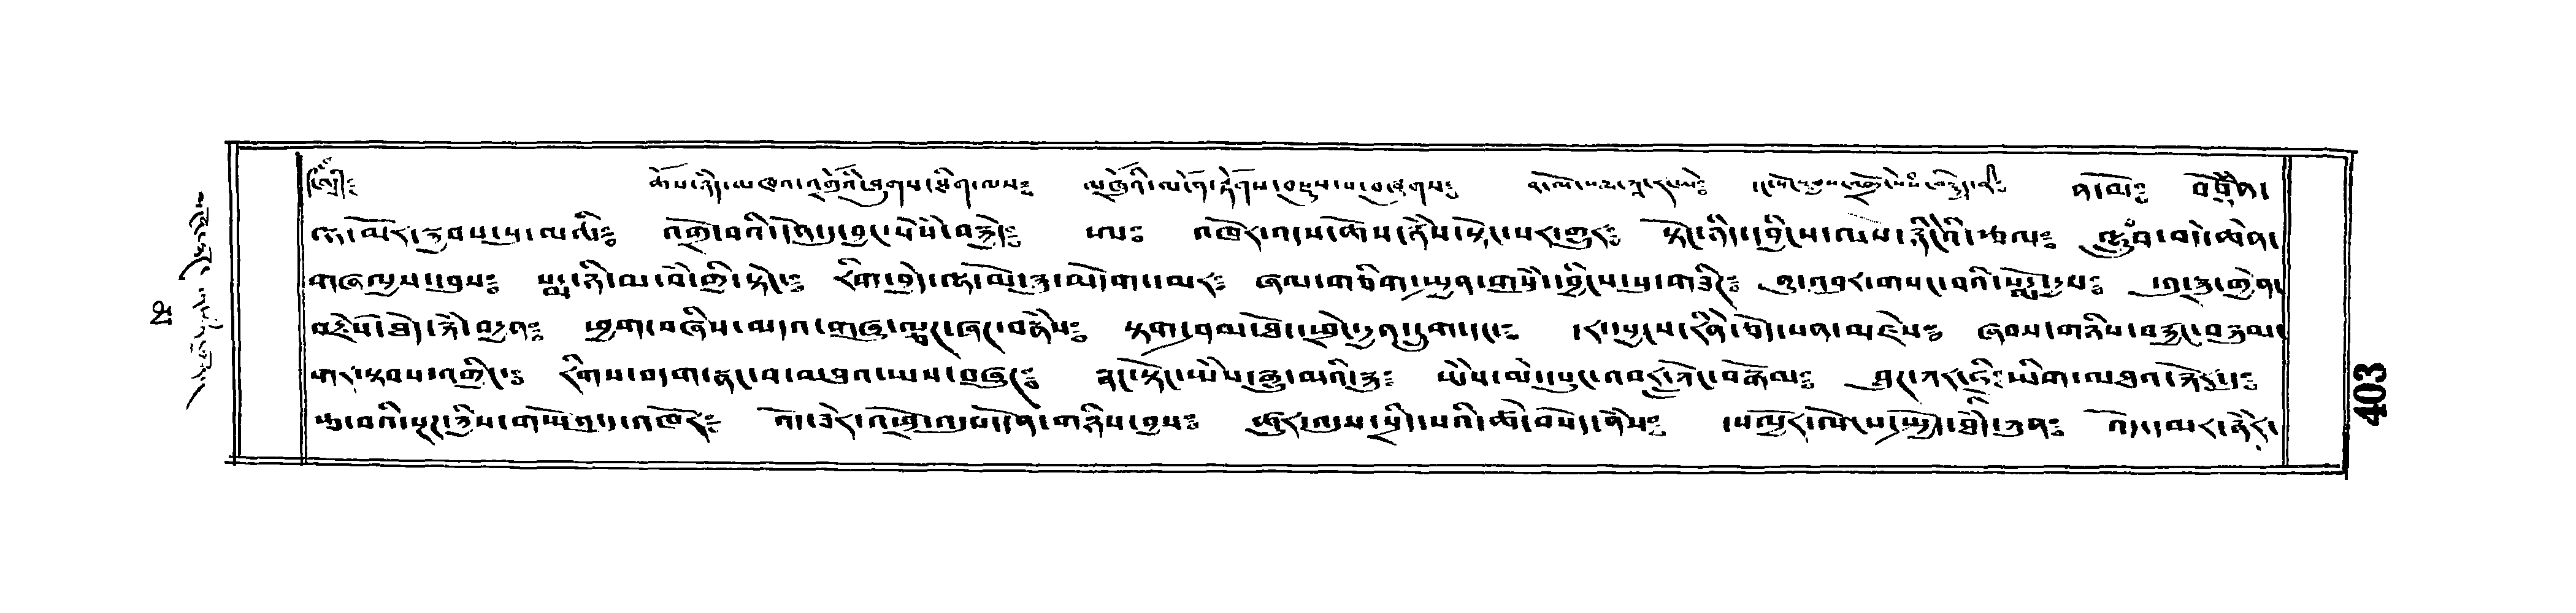ཆོས་ཉིད་མཁའ་འགྲོའི་ཐུགས་ཐིག་ལས༔ མཁའ་འགྲོའི་མངོན་རྟོགས་བསྡུས་པ་བཞུགས༔ ན་མོ་པདྨ་ཀཱ་ར་ཡེ༔ དང་པོ་སྐྱབས་འགྲོ་སེམས་བསྐྱེད་ནི༔ ན་མོ༔ བཅོམ་ལྡན་
ལྷ་མོར་སྐྱབས་སུ་མཆི༔ འགྲོ་བའི་དོན་དུ་བྱང་སེམས་བསྐྱེད༔ ཨཱཿ འཁོར་འདས་ཆོས་རྣམས་སྟོང་པར་གྱུར༔ སྟོང་ཉིད་དབྱིངས་ལས་སྙིང་རྗེའི་རྩལ༔ ལྷུན་གྲུབ་བདེ་ཆེན་
གཞལ་ཡས་དབུས༔ པདྨ་ཉི་མ་བམ་གྱི་སྟེང༔ རིག་བྱེད་ལྷ་མོ་སྐུ་མདོག་དམར༔ ཞལ་གཅིག་སྤྱན་གསུམ་དབྱིངས་སུ་གཟིགས༔ ནུ་འབུར་གསང་བའི་པདྨོ་རྒྱས༔ དབུ་སྐྲ་གྱེན་
བརྫེས་ཐོད་སྐམ་བརྒྱན༔ ཕྱག་བཞིས་མདའ་གཞུ་ལྕགས་ཞགས་བསྣམས༔ སྟག་ཤམ་ཐོད་ཕྲེང་རྒྱན་དྲུག་དང༔ དར་དཔྱངས་རིན་ཆེན་ཅོད་པན་མཛེས༔ ཞབས་གཉིས་བརྐྱང་བསྐུམ་
གར་སྟབས་འགྱིང༔ རིགས་བདག་སྣང་བ་མཐའ་ཡས་བཞུགས༔ སྣང་སྟོང་ཡེ་ཤེས་སྒྱུ་མའི་སྐུ༔ ཡེ་ཤེས་མེ་དཔུང་འབར་ཀློང་བསྒོམ༔ ཐུགས་ཀར་ཧྲཱིཿཡིག་མཐའ་སྐོར་དུ༔ 
རྩ་བའི་སྔགས་ཀྱིས་གཡོན་དུ་འཁོར༔ འོད་ཟེར་འཕྲོ་འདུས་དོན་གཉིས་བྱས༔ ཚུར་འདུས་སྲིད་པའི་ཚེ་བསོད་ནམས༔ དཔལ་འབྱོར་ལོངས་སྤྱོད་ཐམས་ཅད་ཀུན༔ འོད་དམར་རྣམ་པར་